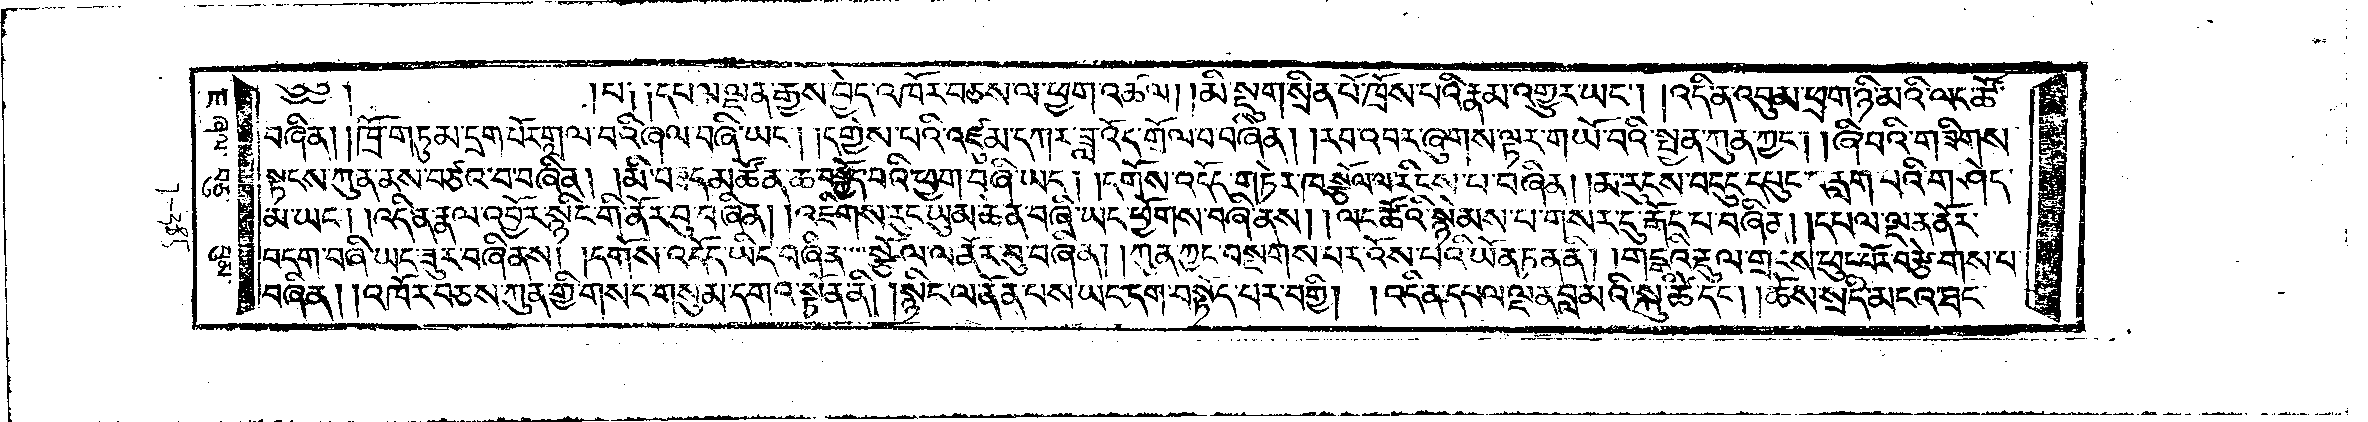༄༅། །པ༑ ༑དཔལ་ལྡན་རྒྱས་བྱེད་འཁོར་བཅས་ལ་ཕྱག་འཚལ། །མི་སྡུག་སྲིན་པོ་ཁྲོས་པའི་རྣམ་འགྱུར་ཡང་། །འདི་ན་འབུམ་ཕྲག་ཉི་མའི་ལང་ཚོ་
བཞིན། །ཁྲོ་གཏུམ་དྲག་པོར་གླལ་བའི་ཞལ་བཞི་ཡང་། །དགྱེས་པའི་འཛུམ་དཀར་ཟླ་འོད་གྲོལ་བ་བཞིན། །རབ་འབར་ཞུགས་ལྟར་གཡོ་བའི་སྤྱན་ཀུན་ཀྱང་། །ཞི་བའི་གཟིགས་
སྟངས་ཀུན་ནས་བཙའ་བ་བཞིན། །མི་བཟད་མཚོན་ཆ་བསྐྱོད་པའི་ཕྱག་བཞི་ཡང་། །དགོས་འདོད་གཏེར་བསྩོལ་ལ་རིངས་པ་བཞིན། །མ་རུངས་བདུད་དཔུང་བརླག་པའི་གཤེད་
མ་ཡང་། །འདི་ན་རྣལ་འབྱོར་སྙིང་གི་ནོར་བུ་བཞིན། །འཇིགས་རུང་ཡུམ་ཆེན་བཞི་ཡང་ཕྱོགས་བཞི་ནས། །ལང་ཚོའི་སྙེམས་པ་གསར་དུ་རྒོང་པ་བཞིན། །དཔལ་ལྡན་ནོར་
བདག་བཞི་ཡང་ཟུར་བཞིན་ནས། །དགོས་འདོད་ཡིད་བཞིན་སྩོལ་ལ་ནོར་བུ་བཞིན། །ཀུན་ཀྱང་བསྔགས་པར་འོས་པའི་ཡོན་ཏན་ནི། །གངྒའི་རྡུལ་གྲངས་ཕུང་པོར་བརྩེགས་པ་
བཞིན། །འཁོར་བཅས་ཀུན་གྱི་གསང་གསུམ་དགའ་སྟོན་ནི། །སྙིང་ལ་ནོན་པས་ཡང་དག་བསྟོད་པར་བགྱི། །འདི་ན་དཔལ་ལྡན་བླ་མའི་སྐུ་ཚེ་དང་། །ཆོས་སྲིད་མངའ་ཐང་